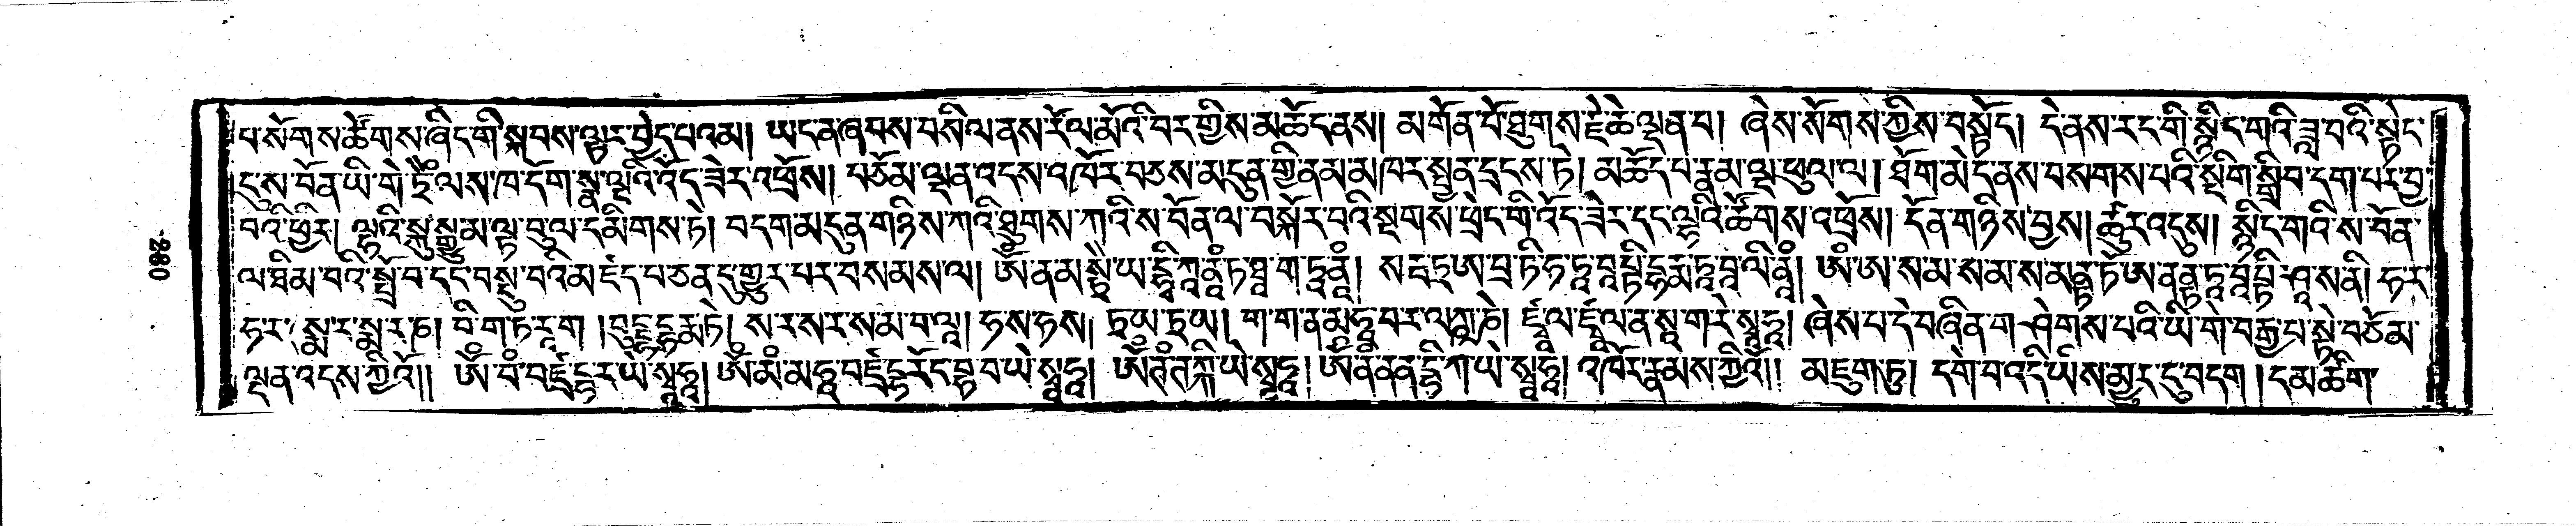བ་སོགས་ཚོགས་ཞིང་གི་སྐབས་ལྟར་བྱེད་པའམ། ཡང་ན་ཞབས་བསིལ་ནས་རོལ་མོའི་བར་གྱིས་མཆོད་ནས། མགོན་པོ་ཐུགས་རྗེ་ཆེ་ལྡན་པ། ཞེས་སོགས་ཀྱིས་བསྟོད། དེ་ནས་རང་གི་སྙིང་གའི་ཟླ་བའི་སྟེང་
དུ་ས་བོན་ཡི་གེ་ཏྲཻཾ་ལས་ཁ་དོག་སྣ་ལྔའི་འོད་ཟེར་འཕྲོས། བཅོམ་ལྡན་འདས་འཁོར་བཅས་མདུན་གྱི་ནམ་མཁར་སྤྱན་དྲངས་ཏེ། མཆོད་པ་རྣམ་ལྔ་ཕུལ་ལ། ཐོག་མེད་ནས་བསགས་པའི་སྡིག་སྒྲིབ་དག་པར་བྱ་
བའི་ཕྱིར། ལྷའི་སྐུ་སྒྱུ་མ་ལྟ་བུ་ལ་དམིགས་ཏེ། བདག་མདུན་གཉིས་ཀའི་ཐུགས་ཀའི་ས་བོན་ལ་བསྐོར་བའི་སྔགས་ཕྲེང་གི་འོད་ཟེར་དང་ལྷའི་ཚོགས་འཕྲོས། དོན་གཉིས་བྱས། ཚུར་འདུས། སྙིང་གའི་ས་བོན་
ལ་ཐིམ་པའི་སྤྲོ་བ་དང་བསྡུ་བའི་མཛད་པ་ཅན་དུ་གྱུར་པར་བསམས་ལ། ཨོཾ་ན་མ་སྟྲཻ་ཡ་དྷྭི་ཀཱ་ནཱཾ་ཏ་ཐཱ་ག་ཏཱ་ནཱཾ། སརྦ་ཏྲ་ཨ་པྲ་ཏི་ཧ་ཏཱ་བཱཔྟི་དྷརྨ་ཏཱ་བཱ་ལི་ནཱཾ། ཨཾ་ཨ་ས་མ་ས་མ་ས་མནྟ་ཏོ་ཨ་ནནྟ་ཏཱ་བཱཔྟི་ཤཱ་ས་ནི། ཧ་ར་
ཧ་ར༑ སྨ་ར་སྨ་ར་ཎ། བི་ག་ཏ་རཱ་ག །བུདྡྷ་དྷརྨ་ཏེ། ས་ར་ས་ར་ས་མ་བ་ལཱ། ཧ་ས་ཧ་ས། ཏྲ་ཡ་ཏྲ་ཡ། ག་ག་ན་མཧཱ་བ་ར་ལཀྵ་ཎེ། ཛྭཱ་ལ་ཛྭཱ་ལ་ན་སཱ་ག་རེ་སྭཱཧཱ། ཞེས་པ་དེ་བཞིན་གཤེགས་པའི་ཡི་གེ་བརྒྱ་པ་སྟེ་བཅོམ་
ལྡན་འདས་ཀྱིའོ།། ཨོཾ་བཾ་བཛྲ་དྷ་ར་ཡེ་སྭཱཧཱ། ཨོཾ་མཾ་མཧཱ་བཛྲ་དྷ་རོང་བྷ་བ་ཡེ་སྭཱཧཱ། ཨོཾ་ཊཾ་ཊཀྐི་ཡེ་སྭཱཧཱ། ཨོཾ་ནཾ་ནན་དྷི་ཀ་ཡེ་སྭཱཧཱ། འཁོར་རྣམས་ཀྱིའོ།། མཇུག་ཏུ། དགེ་བ་འདི་ཡིས་མྱུར་དུ་བདག །དམ་ཚིག་